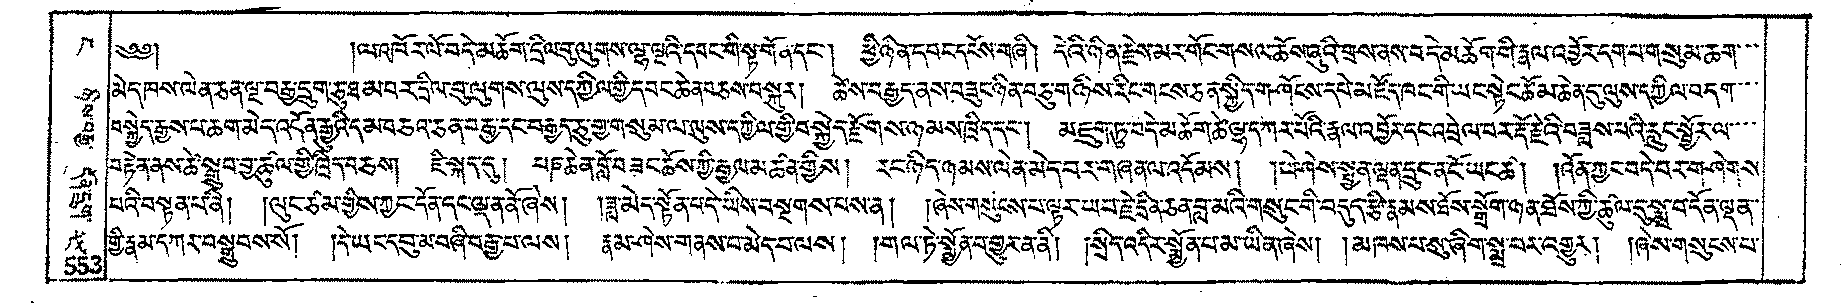༄༅། །ལ་འཁོར་ལོ་བདེ་མཆོག་དྲིལ་བུ་ལུགས་ལྷ་ལྔའི་དབང་གི་སྟ་གོན་དང་། ཕྱི་ཉིན་དབང་དངོས་གཞི། དེའི་ཉིན་རྗེས་མར་གོང་གསལ་ཆོས་ཞུའི་གྲས་ནས་བདེ་མཆོག་གི་རྣལ་འབྱོར་དག་པ་གསུམ་ཆག་
མེད་ཁས་ལེན་ཅན་ལྔ་བརྒྱ་དྲུག་ཅུ་ཐམ་པར་དྲིལ་བུ་ལུགས་ལུས་དཀྱིལ་གྱི་དབང་ཆེན་བཅས་བསྐུར། ཚེས་བརྒྱད་ནས་བཟུང་ཉིན་བཅུ་གཉིས་རིང་གངས་ཅན་སྐྱིད་གཤོངས་དཔེ་མཛོད་ཁང་གི་ཡང་སྟེང་ཚོམ་ཆེན་དུ་ལུས་དཀྱིལ་བདག་
བསྐྱེད་རྒྱས་པ་ཆག་མེད་འདོན་རྒྱུའི་དམ་བཅའ་ཅན་བརྒྱ་དང་བརྒྱད་ཅུ་གྱ་གསུམ་ལ་ལུས་དཀྱིལ་གྱི་བསྐྱེད་རྫོགས་ཉམས་ཁྲིད་དང་། མཇུག་ཏུ་བདེ་མཆོག་ཚེ་ལྷ་དཀར་པོའི་རྣལ་འབྱོར་དང་འབྲེལ་བར་རྡོ་རྗེའི་བཟླས་པའི་རླུང་སྦྱོར་ལ་
བརྟེན་ནས་ཚེ་སྒྲུབ་བྱ་ཚུལ་གྱི་ཁྲིད་བཅས། ཇི་སྐད་དུ། པཎ་ཆེན་བློ་བཟང་ཆོས་ཀྱི་རྒྱལ་མཚན་གྱིས། རང་ཉིད་ཉམས་ལེན་མེད་པར་གཞན་ལ་འདོམས། །ཡེ་ཤེས་སྤྱན་ལྡན་དྲུང་ན་ངོ་ཡང་ཚ། །འོན་ཀྱང་བདེ་བར་གཤེགས་
པའི་བསྟན་པ་ནི། །ལུང་ཙམ་གྱིས་ཀྱང་དོན་དང་ལྡན་ནོ་ཞེས། །ཟླ་མེད་སྟོན་པ་དེ་ཡིས་བསྔགས་པས་ན། །ཞེས་གསུངས་པ་ལྟར་ཡབ་རྗེ་དྲིན་ཅན་བླ་མའི་གསུང་གི་བདུད་རྩི་རྣམས་ཐོས་སྒྲོག་ཉན་ཐོས་ཀྱི་ཚུལ་དུ་སྨྲ་བ་དོན་ལྡན་
གྱི་རྣམ་དཀར་བསྒྲུབས་སོ། །དེ་ཡང་དབུ་མ་བཞི་བརྒྱ་པ་ལས། རྣམ་ཤེས་གནས་པ་མེད་པ་ལས། །གལ་ཏེ་སྨྱོན་པ་གྱུར་ན་ནི། །སྲིད་འདིར་སྨྱོན་པ་མ་ཡིན་ཞེས། །མཁས་པ་སུ་ཞིག་སྨྲ་བར་འགྱུར། །ཞེས་གསུངས་པ་